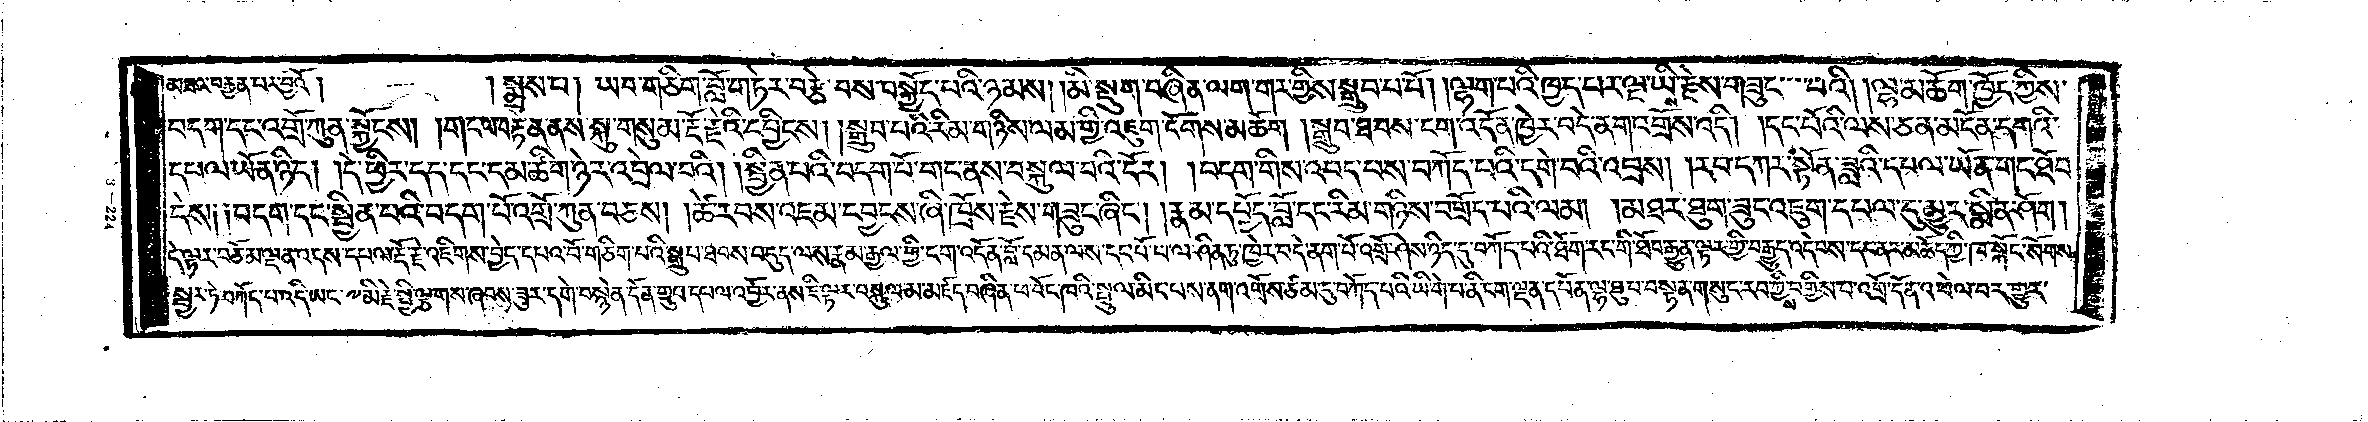མཐའ་བརྒྱན་པར་བྱའོ། །སྨྲས་པ། ཡབ་གཅིག་བློ་གཏེར་བརྩེ་བས་བསྐྱོད་པའི་ཉམས། །མི་སྡུག་བཞིན་ལག་གར་གྱིས་སྒྲུབ་པ་པོ། །ལྷག་པའི་ཁྱད་པར་ལྔ་ཡིས་རྗེས་གཟུང་པའི། །ལྷ་མཆོག་ཁྱོད་ཀྱིས་
བདག་དང་འགྲོ་ཀུན་སྐྱོངས། །གང་ལ་བརྟེན་ནས་སྐུ་གསུམ་རྡོ་རྗེའི་དབྱིངས། །སྒྲུབ་པའི་རིམ་གཉིས་ལམ་གྱི་འཇུག་དགོས་མཆོག །སྒྲུབ་ཐབས་ངག་འདོན་ཁྱེར་བདེ་ནག་འགྲོས་འདི། །དང་པོའི་ལས་ཅན་མངོན་དགའི་
དཔལ་ཡོན་ཉིད། །དེ་ཕྱིར་དད་དང་དམ་ཚིག་ཉེར་འབྲེལ་བའི། །སྦྱིན་པའི་བདག་པོ་གང་ནས་བསྐུལ་བའི་ངོར། །བདག་གིས་འབད་པས་བཀོད་པའི་དགེ་བའི་འབྲས། །རབ་དཀར་སྟོན་ཟླའི་དཔལ་ཡོན་གང་ཐོབ་
དེས། །བདག་དང་སྤྱིན་པའི་བདག་པོ་འགྲོ་ཀུན་བཅས། །ཚེ་རབས་འཇམ་དབྱངས་ཞི་ཁྲོས་རྗེས་གཟུང་ཞིང་། །རྣམ་དཔྱོད་བློ་དང་རིམ་གཉིས་བགྲོད་པའི་ལམ། །མཐར་ཐུག་ཟུང་འཇུག་དཔལ་དུ་མྱུར་སྨིན་ཤོག །
དེ་ལྟར་བཅོམ་ལྡན་འདས་དཔལ་རྡོ་རྗེ་འཇིགས་བྱེད་དཔའ་བོ་གཅིག་པའི་སྒྲུབ་ཐབས་བདུད་ལས་རྣམ་རྒྱལ་གྱི་ངག་འདོན་བློ་དམན་ལས་དང་པོ་པ་ལ་ཤིན་ཏུ་ཁྱེར་བདེ་ནག་པོ་འགྲོ་ཤེས་ཉིད་དུ་བཀོད་པའི་ཐོག་རང་གི་ཐོབ་རྒྱུན་ལྟར་གྱི་བརྒྱུད་འདེབས་དང་ནར་མཆོད་ཀྱི་ཁ་སྐོང་སོགས་
སྦྱར་ཏེ་བཀོད་པ་འདི་ཡང ༧མི་རྗེ་སྤྱི་ལྕགས་ཞབས་ཟུར་དགེ་བསྙེན་དོན་གྲུབ་དཔལ་འབྱོར་ནས་ཇི་ལྟར་བསྐུལ་མ་མཛད་བཞིན་ཕ་བོང་ཁའི་སྤྲུལ་མིང་པས་ནག་འགྲོས་ཙམ་དུ་བཀོད་པའི་ཡི་གེ་པ་ནི་ངག་ལྡན་དཔོན་ལྷ་ཐུབ་བསྟན་གསུང་རབ་ཀྱིས་བགྱིས་པ་འགྲོ་དོན་འཕེལ་བར་གྱུར་